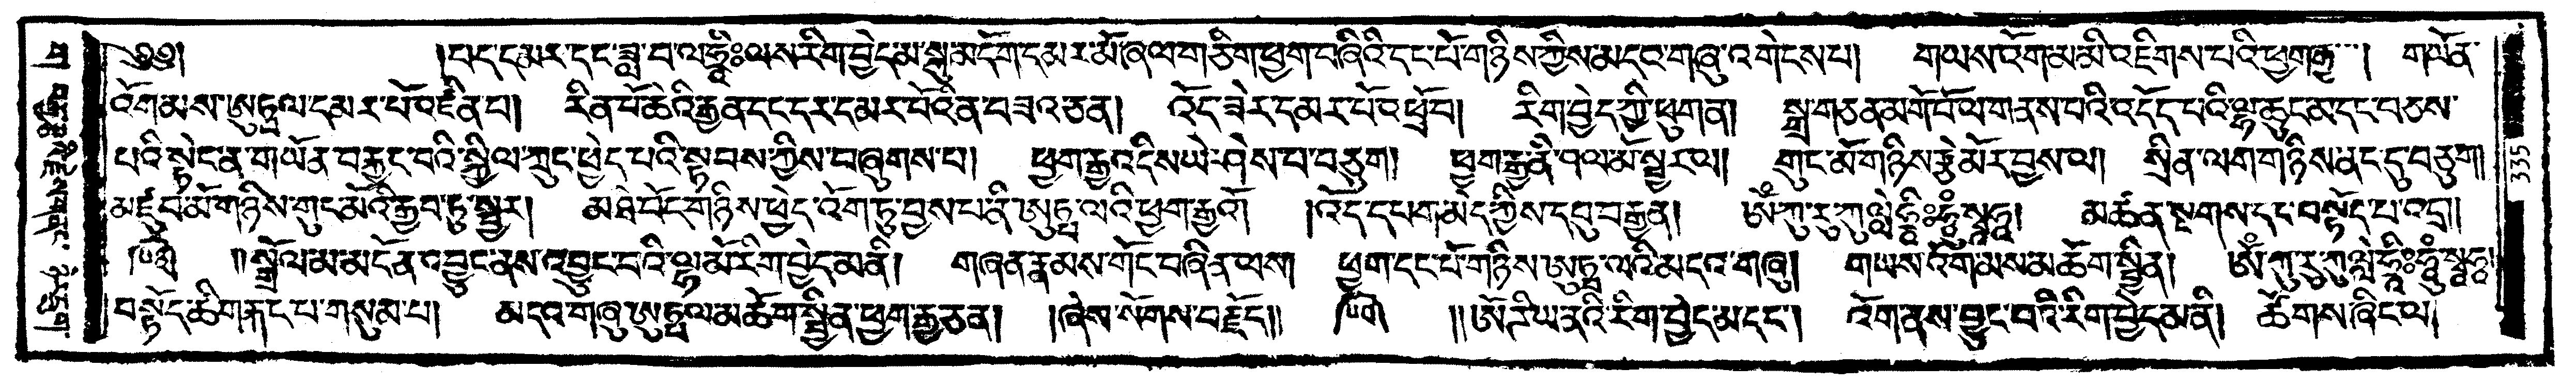༄༅། །པད་དམར་དང་ཟླ་བ་ལ་ཧྲཱིཿལས་རིག་བྱེད་མ་སྐུ་མདོག་དམར་མོ་ཞལ་གཅིག་ཕྱག་བཞིའི་དང་པོ་གཉིས་ཀྱིས་མདའ་གཞུ་འགེངས་པ། གཡས་འོག་མ་མི་འཇིགས་པའི་ཕྱག་རྒྱ། གཡོན་
འོག་མས་ཨུཏྤལ་དམར་པོ་འཛིན་པ། རིན་པོ་ཆེའི་རྒྱན་དང་དར་དམར་པོའི་ན་བཟའ་ཅན། འོད་ཟེར་དམར་པོ་འཕྲོ་བ། རིག་བྱེད་ཀྱི་ཕུག་ན། སྒྲ་གཅན་མགོ་བོ་ལ་གནས་པའི་འདོད་པའི་ལྷ་ཆུང་མ་དང་བཅས་
པའི་སྟེང་ན་གཡོན་བརྐྱང་བའི་སྐྱིལ་ཀྲུང་ཕྱེད་པའི་སྟབས་ཀྱིས་བཞུགས་པ། ཕྱག་རྒྱ་འདིས་ཡེ་ཤེས་པ་བཅུག། ཕྱག་རྒྱ་ནི་ཐལ་མོ་སྦྱར་ལ། གུང་མོ་གཉིས་རྩེ་མོར་བྱས་ལ། སྲིན་ལག་གཉིས་ནང་དུ་བཅུག།
མཛུབ་མོ་གཉིས་གུང་མོའི་རྒྱབ་ཏུ་སྦྱར། མཐེ་བོང་གཉིས་ཕྱེད་འོག་ཏུ་བྱས་པ་ནི་ཨུཏྤ་ལའི་ཕྱག་རྒྱའོ། །འོད་དཔག་མེད་ཀྱིས་དབུ་བརྒྱན། ཨོཾ་ཀུ་རུ་ཀུལླེ་ཧྲཱིཿཧཱུཾ་སྭཱཧཱ། མཚན་སྔགས་དང་བསྟོད་པ་འདྲ།།
༥༣?་།།སྒྲོལ་མ་མངོན་འབྱུང་ནས་འབྱུང་བའི་ལྷ་མོ་རིག་བྱེད་མ་ནི། གཞན་རྣམས་གོང་བཞིན་ལས། ཕྱག་དང་པོ་གཉིས་ཨུཏྤ་ལའི་མདའ་གཞུ། གཡས་འོག་མས་མཆོག་སྦྱིན། ཨོཾ་ཀུ་རུ་ཀུལླེ་ཧྲཱིཿཧཱུཾ་སྭཱཧཱ།
བསྟོད་ཚིག་རྐང་པ་གསུམ་པ། མདའ་གཞུ་ཨུཏྤལ་མཆོག་སྦྱིན་ཕྱག་རྒྱ་ཅན། །ཞེས་སོགས་བརྗོད།། ༥༤?་།།ཨོཾ་ཌི་ཡ་ནའི་རིག་བྱེད་མ་དང་། འོག་ནས་བྱུང་བའི་རིག་བྱེད་མ་ནི། ཚོགས་ཞིང་ལ།